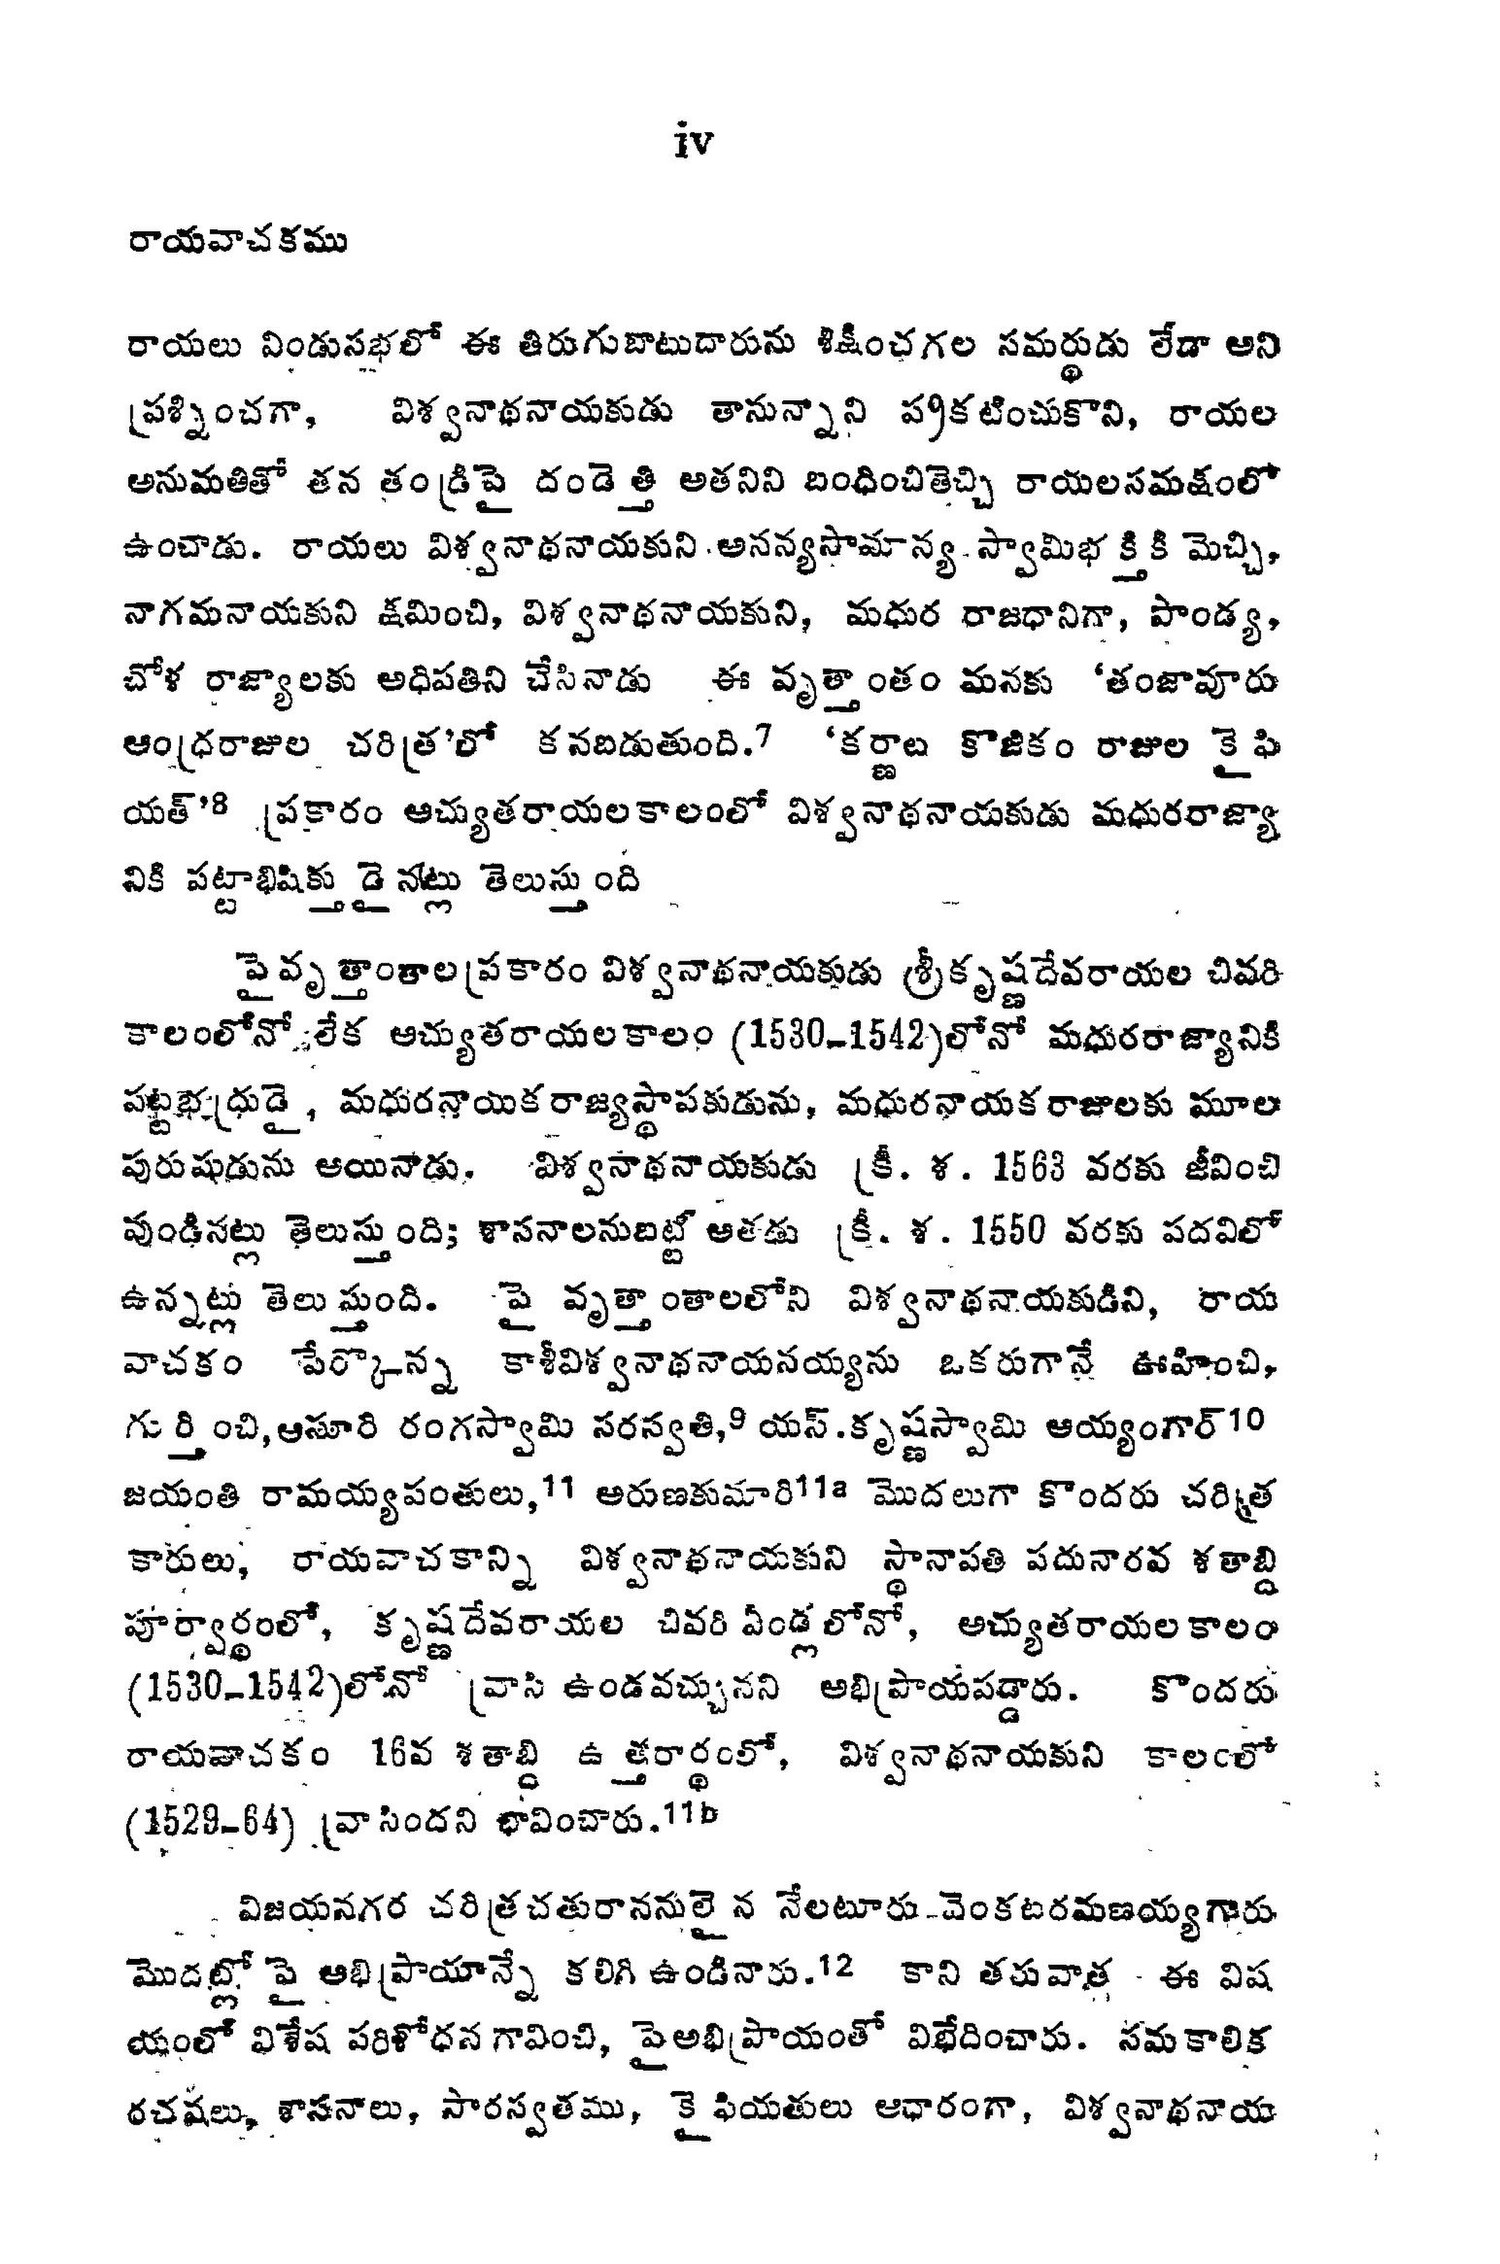రాయలు విండుసభలో ఈ తిరుగుబాటుదారును శిక్షించగల సమర్థుడు లేదా అని ప్రశ్నించగా, విశ్వనాథనాయకుడు తా నున్నానని ప్రకటించుకొని, రాయల అనుమతితో తన తండ్రిపై దండెత్తి అతనిని బంధించి తెచ్చి రాయలసమక్షంలో ఉంచాడు. రాయలు విశ్వనాథనాయకుని అనన్యసామాన్యస్వామిభక్తికి మెచ్చి, నాగమనాయకుని క్షమించి, విశ్వనాథనాయకుని, మధుర రాజధానిగా, పాండ్య, చోళ రాజ్యాలకు అధిపతిని చేసినాడు. ఈ వృత్తాంతం మనకు 'తంజావూరు ఆంధ్రరాజుల చరిత్ర'లో కనబడుతుంది. 'కర్ణాట కొటికం రాజుల కైఫియత్' ప్రకారం అచ్యుతరాయల కాలంలో విశ్వనాథనాయకుడు మధురరాజ్యానికి పట్టాభిషిక్తు డైనట్లు తెలుస్తుంది.

పైవృత్తాంతాల ప్రకారం విశ్వనాథనాయకుడు శ్రీకృష్ణదేవరాయల చివరికాలంలోనో లేక అచ్యుతరాయల కాలం (1530-1542)లోనో మధురరాజ్యానికి పట్టభద్రుడై, మధురనాయకరాజ్యస్థాపకుడును, మధురనాయకరాజులకు మూలపురుషుడును అయినాడు. విశ్వనాథనాయకుడు క్రీ. శ. 1563 వరకు జీవించి వుండినట్లు తెలుస్తుంది; శాసనాలనుబట్టి అతడు క్రీ.శ. 1550 వరకు పదవిలో ఉన్నట్లు తెలుస్తుంది. పైవృత్తాంతాలలోని విశ్వనాథనాయకుడిని, రాయవాచకం పేర్కొన్న కాశీవిశ్వనాథనాయనయ్యను ఒకరుగానే ఊహించి, గుర్తించి ఆసూరి రంగస్వామి సరస్వతి, యస్. కృష్ణస్వామి అయ్యంగార్ జయంతి రామయ్యపంతులు, అరుణకుమారి మొదలుగా కొందరు చరిత్రకారులు, రాయవాచకాన్ని విశ్వనాథనాయకుని స్థానాపతి పదునారవ శతాబ్ది పూర్వార్థంలో, కృష్ణదేవరాయల చివరి ఏండ్లలోనో, అచ్యుతరాయల కాలం (1530-1542)లోనో వ్రాసి ఉండవచ్చునని అభిప్రాయపడ్డారు. కొందరు రాయవాచకం 16వ శతాబ్ది ఉత్తరార్థంలో, విశ్వనాథనాయకుని కాలంలో (1529-64) వ్రాసిందని భావించారు.

విజయనగర చరిత్రచతురాననులైన నేలటూరు వెంకటరమణయ్య గారు మొదట్లో పై అభిప్రాయాన్నే కలిగి ఉండినారు. కాని తరువాత ఈ విషయంలో విశేషపరిశోధన గావించి, పై అభిప్రాయంతో విభేదించారు. సమకాలిక రచనలు, శాసనాలు, సారస్వతము, కైఫియతులు ఆధారంగా, విశ్వనాథనాయ